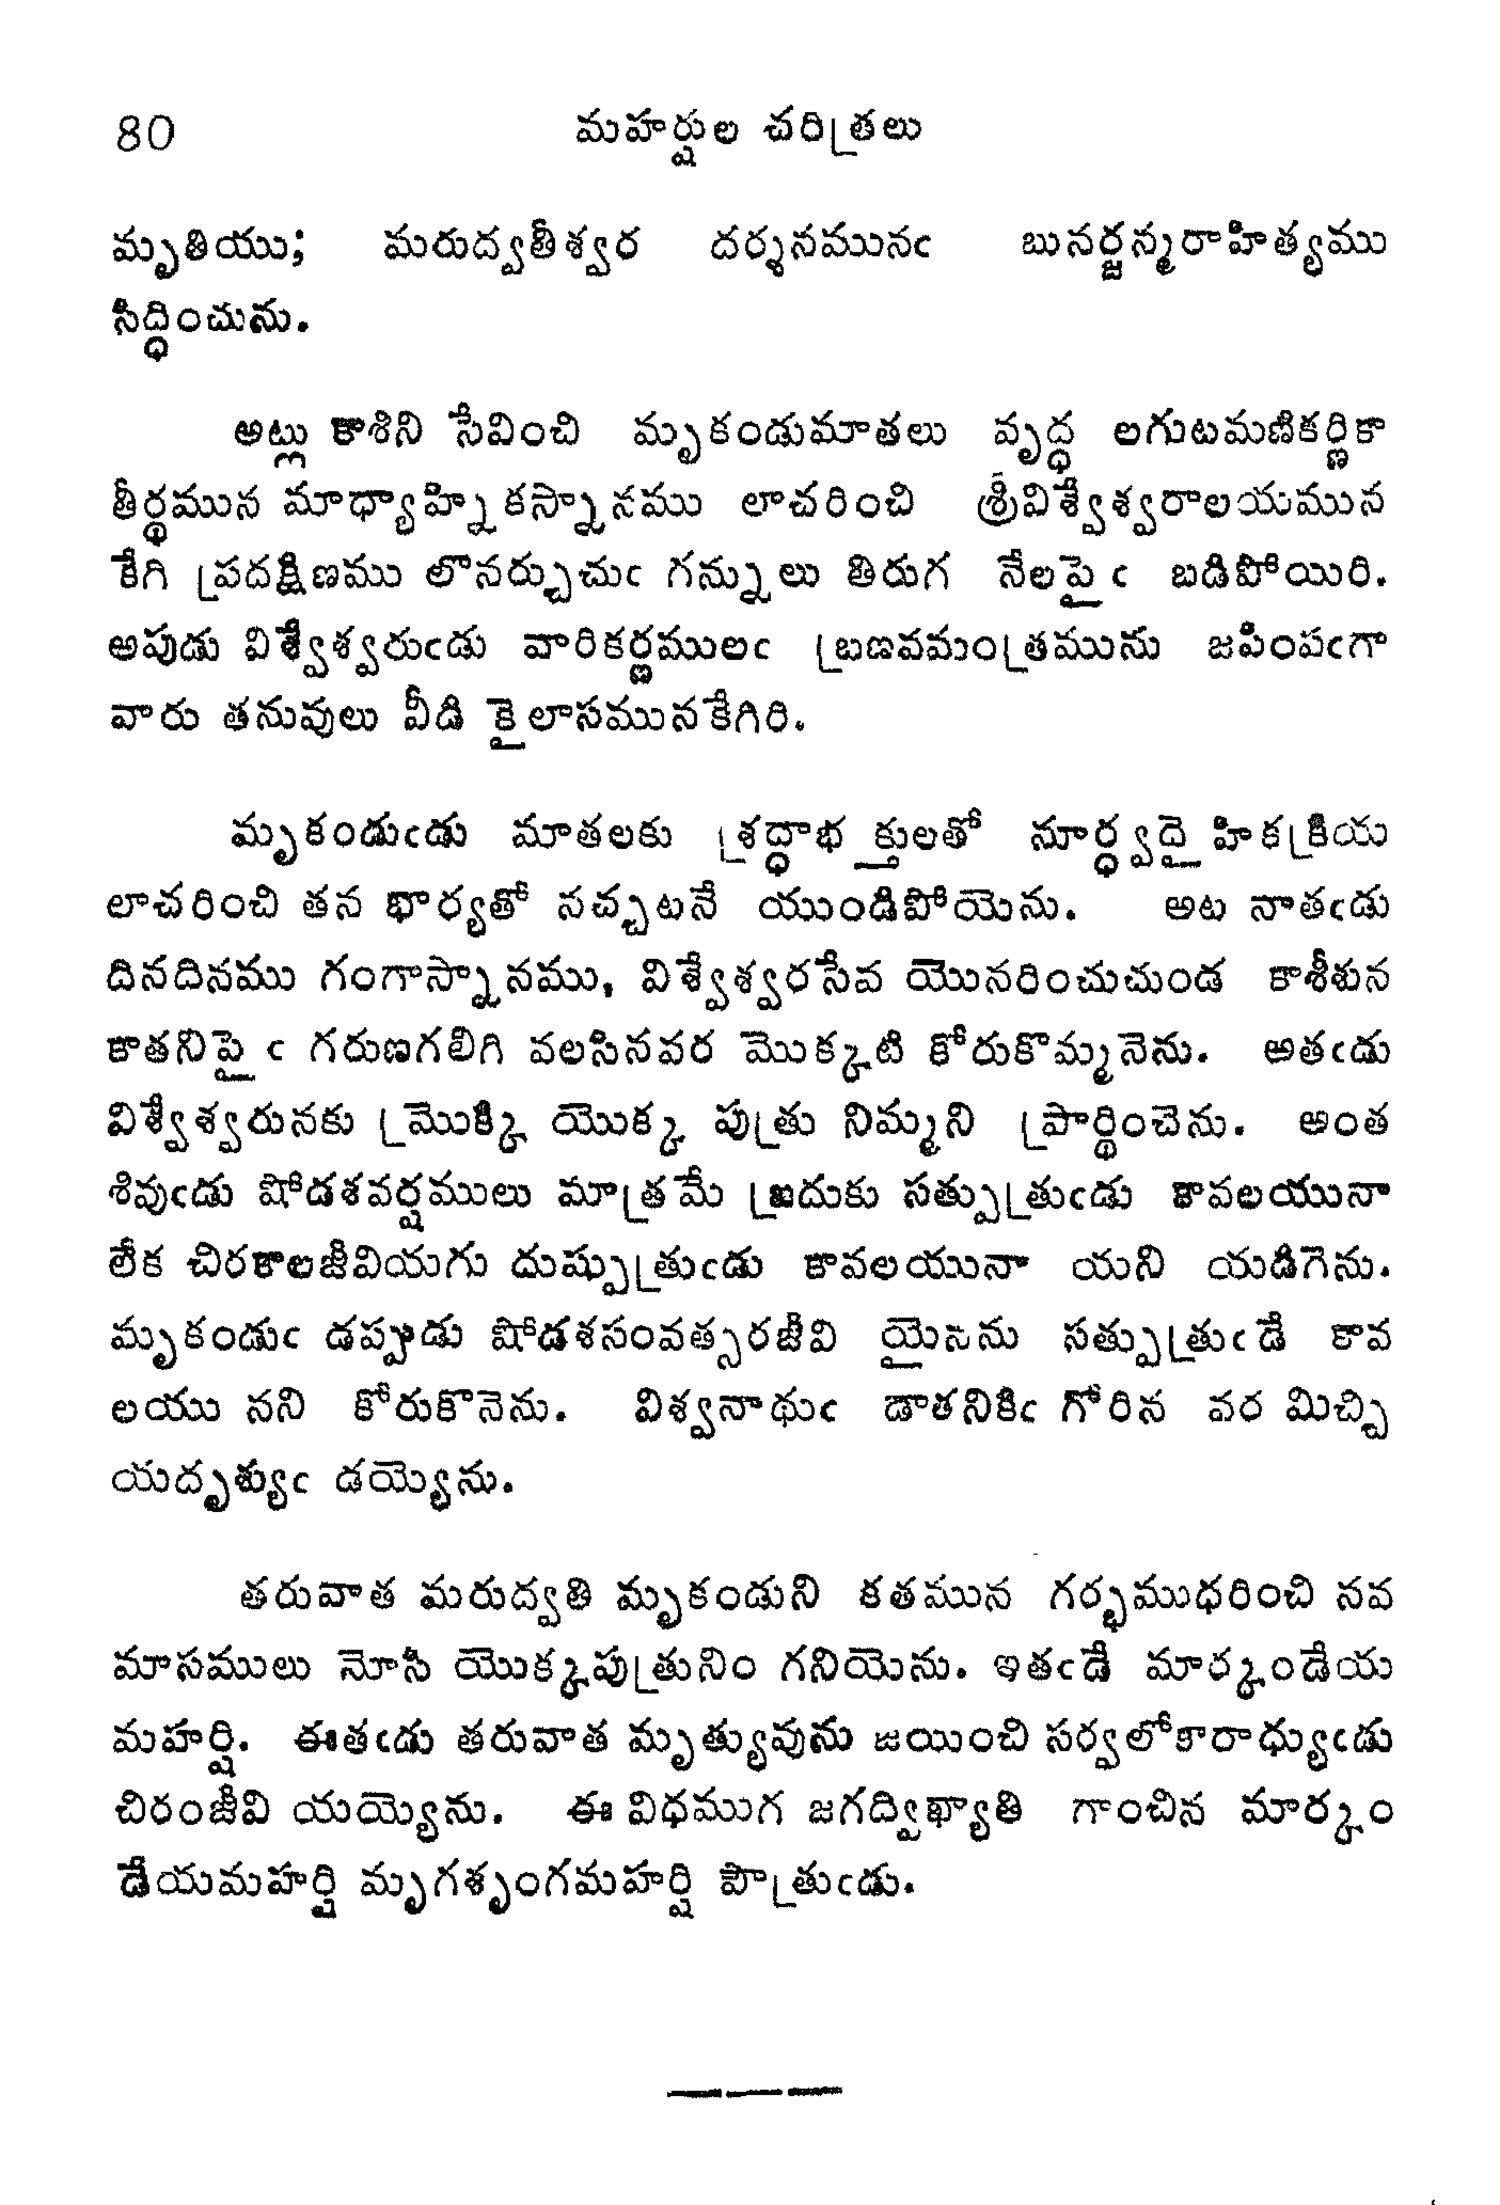మృతియు; మరుద్వతీశ్వర దర్శనమునఁ బునర్జన్మరాహిత్యము సిద్ధించును.

అట్లు కాశిని సేవించి మృకండుమాతలు వృద్ద లగుటమణికర్ణికా తీర్థమున మాధ్యాహ్ని కస్నానము లాచరించి శ్రీవిశ్వేశ్వరాలయమున కేగి ప్రదక్షిణము లొనర్చుచుఁ గన్నులు తిరుగ నేలపైఁ బడిపోయిరి. అపుడు విశ్వేశ్వరుఁడు వారికర్ణములఁ బ్రణవమంత్రమును జపింపఁగా వారు తనువులు వీడి కైలాసమునకేగిరి.

మృకండుఁడు మాతలకు శ్రద్ధాభక్తులతో నూర్ధ్వదై హికక్రియ లాచరించి తన భార్యతో నచ్చటనే యుండిపోయెను. అట నాతఁడు దినదినము గంగాస్నానము, విశ్వేశ్వరసేవ యొనరించుచుండ కాశీశున కాతనిపైఁ గరుణగలిగి వలసినవర మొక్కటి కోరుకొమ్మనెను. అతఁడు విశ్వేశ్వరునకు మ్రొక్కి యొక్క పుత్రు నిమ్మని ప్రార్థించెను. అంత శివుఁడు షోడశవర్షములు మాత్రమే బ్రదుకు సత్పుత్రుఁడు కావలయునా లేక చిరకాలజీవియగు దుష్పత్రుఁడు కావలయునా యని యడిగెను. మృకండుఁ డప్పుడు షోడశసంవత్సరజీవి యైనను సత్పుత్త్రుఁడే కావలయు నని కోరుకొనెను. విశ్వనాథుఁ డాతనికిఁ గోరిన వర మిచ్చి యదృశ్యుఁ డయ్యెను.

తరువాత మరుద్వతి మృకండుని కతమున గర్భముధరించి నవమాసములు మోసి యొక్క పుత్రునిం గనియెను. ఇతఁడే మార్కండేయ మహర్షి. ఈతఁడు తరువాత మృత్యువును జయించి సర్వలోకారాధ్యుఁడు చిరంజీవి యయ్యెను. ఈ విధముగ జగద్విఖ్యాతి గాంచిన మార్కండేయమహర్షి మృగశృంగమహర్షి పౌత్రుఁడు.